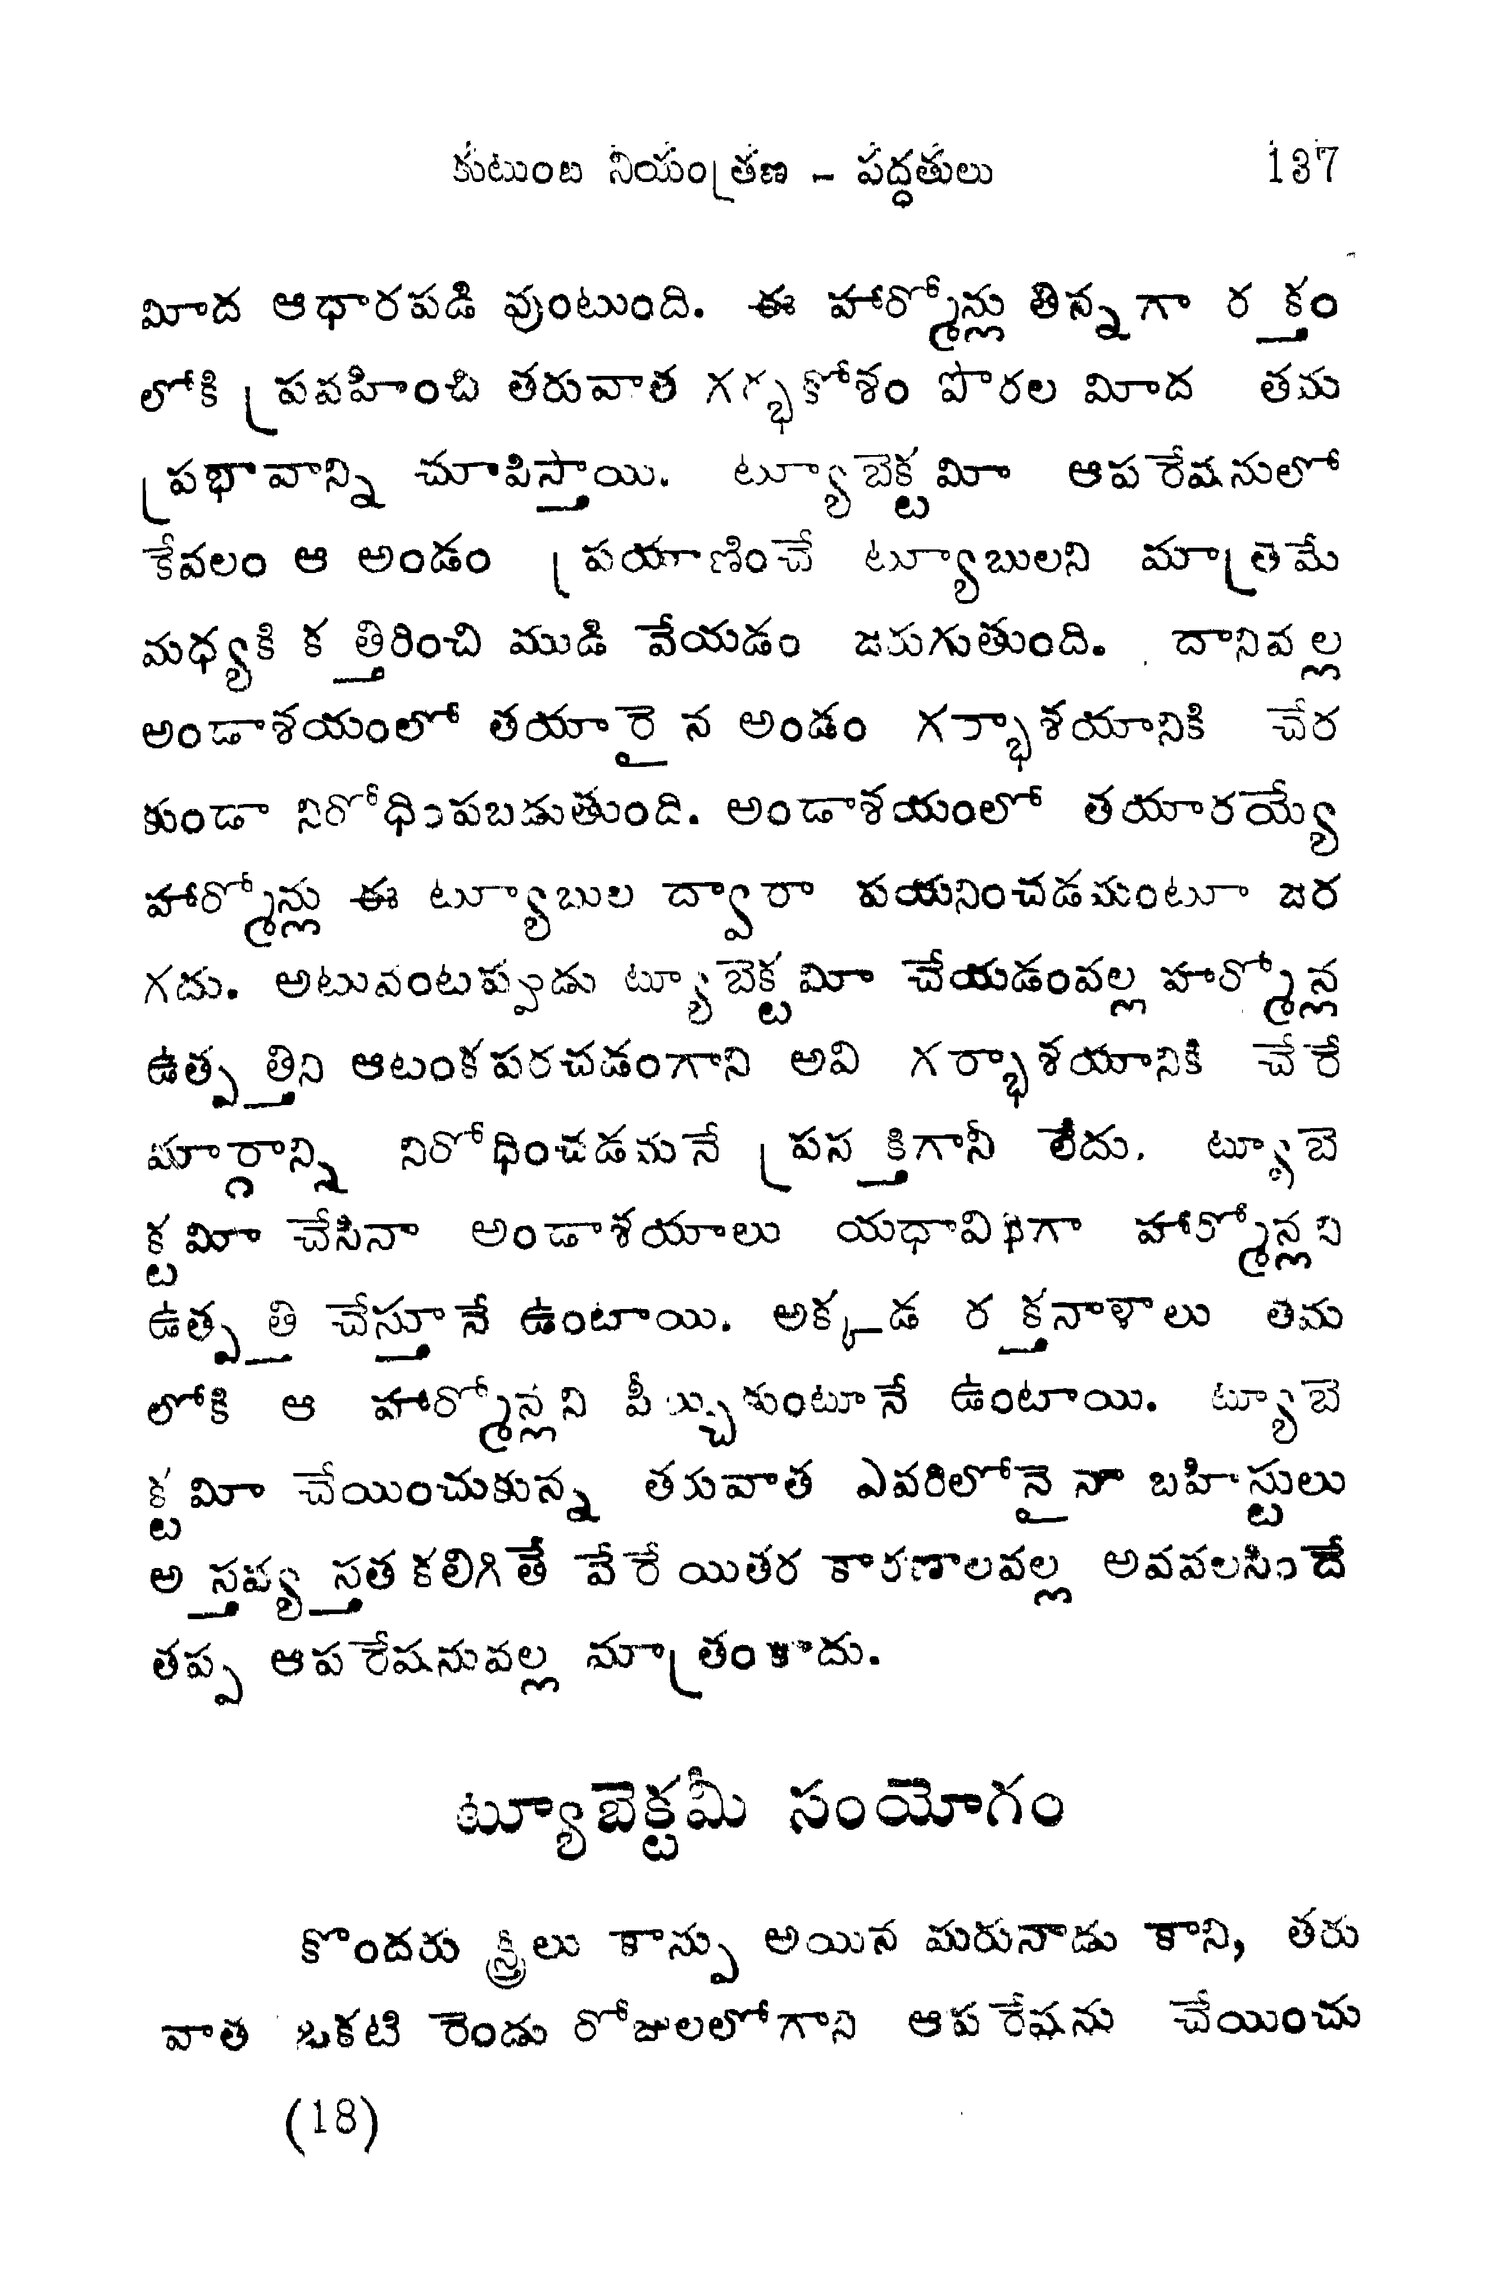మీద ఆధారపడి వుంటుంది. ఈ హార్మోన్లు తిన్నగా రక్తంలోకి ప్రవహించి తరువాత గర్భకోశం పొరల మీద తమ ప్రబావాన్ని చూపిస్తాయి. ట్యూబెక్టమీ ఆపరేషనులో కేవలం ఆ అండం ప్రయాణింఛే ట్యూబులని మాత్రమే మధ్యకి కత్తిరించి ముడి వేయడం జరుగుతుంది. దానివల్ల అండాశయంలో తాయారైన అండం గర్భాశయానికి చేరకుండా నిరోదింపబడుతుంది. అండాశయంలో తయారయ్యే హార్మోన్లు ఈ ట్యూబుల ద్వారా పయనించడమంటూ జరగదు. అటువంటప్పుడు ట్యూబెక్టమీ ఛేయడంవల్ల హర్మోన్ల ఉత్పత్తిని ఆటంకపరచడంగాని అవి గర్భాశయానికి చేరే మార్గాన్ని నిరోధించడమనే ప్రసక్తిగానీ లేదు. ట్యూబెక్టమీ చేసినా ఆండాశయాలు యధావిధంగా హార్మోన్లని ఉత్పత్తి చేస్తూనే ఉంటాయి. అక్కడ రక్తనాళాలు తమ లోకి ఆ హార్మోన్లని పీల్చుకుంటూనే ఉంటాయి. ట్యూబెక్టమీ చేయించుకున్న తరువాత ఎవరిలోనైనా బహిస్టులు అస్తవ్యస్తత కలిగితే వేరే యితర కారణాలవల్ల అవవలసిందే తప్ప ఆపరేషనువల్ల మాత్రంకాదు.

కొందరు స్త్రీలు కాన్పు అయిన మరునాడు కాని, తరువాత ఒకటి రెందు రోజులలోగాని ఆపరేషను ఛేయించు